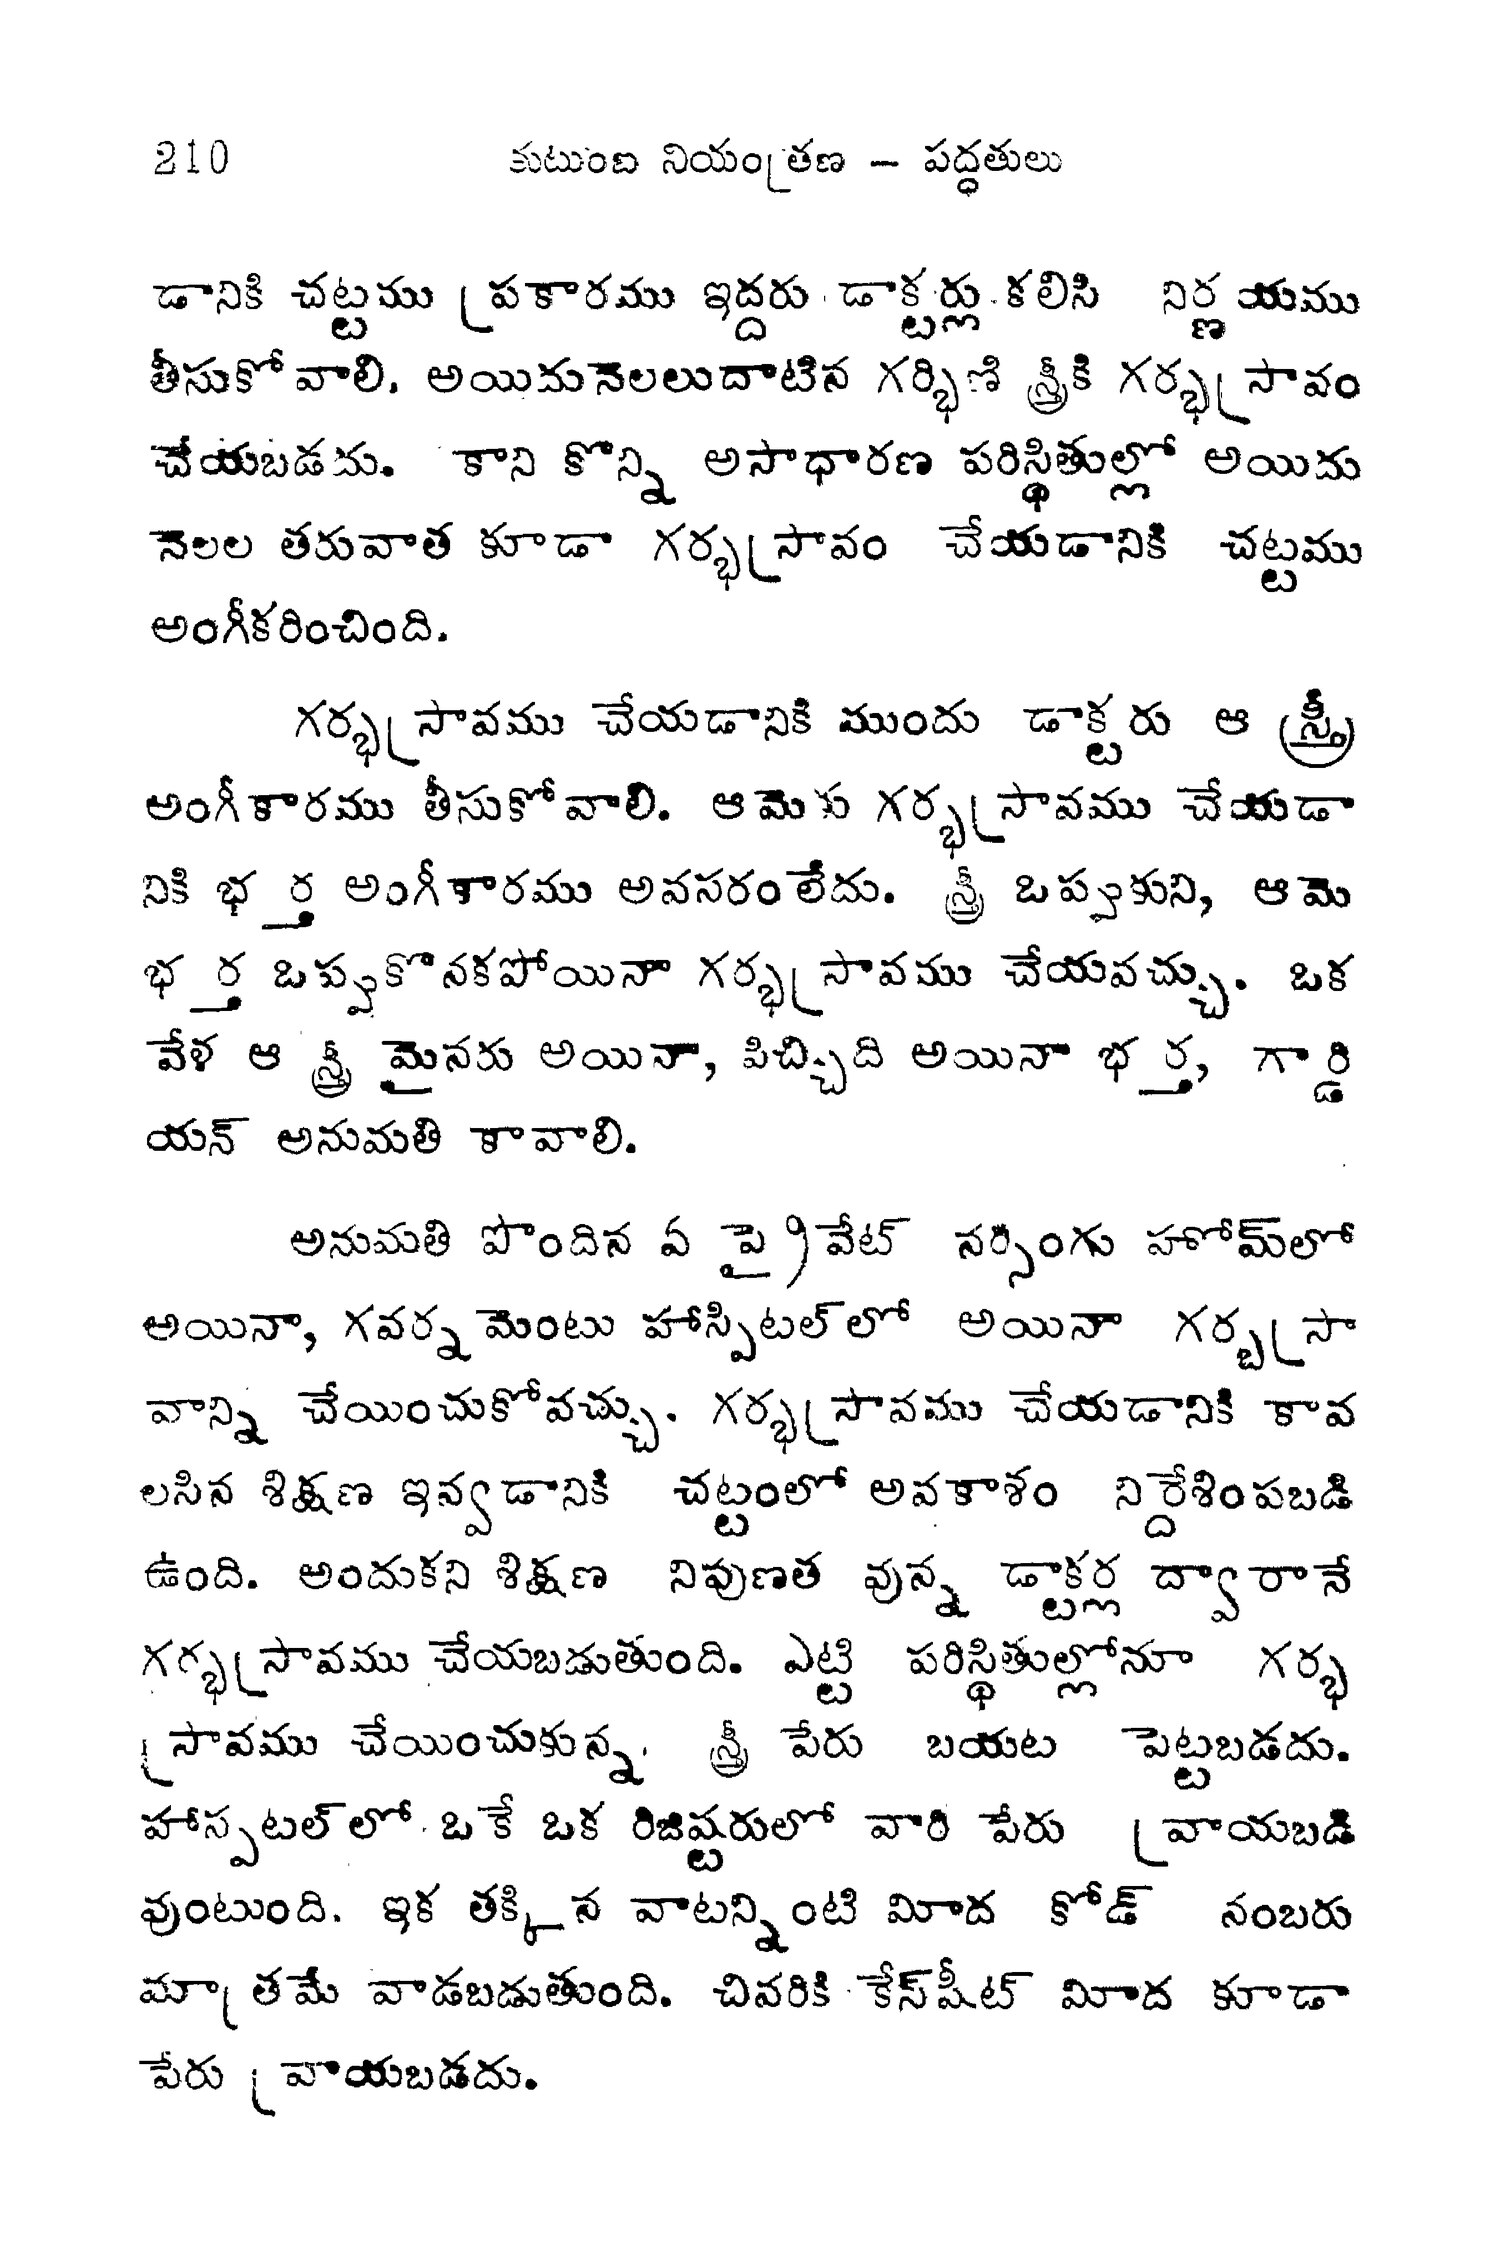డానికి చట్టము ప్రకారము ఇద్దరు డాక్టర్లు కలిసి నిర్ణయము తీసుకోవాలి. అయిదు నెలలుదాటిన గర్భిణీ స్త్రీకి గర్భస్రావం చేయబడదు. కాని కొన్ని అసాధారణ పరిస్థితుల్లో అయిదు నెలలు తరువాత కూడా గర్భస్రావము చేయడానికి చట్టము అంగీకరించింది.

గర్భస్రావము చేయడానికి ముందు డాక్టరు ఆ స్త్రీ అంగీకారము తీసుకోవాలి. ఆమెకు గర్భస్రావము చేయడానికి భర్త అంగీకారము అవసరంలేదు. స్త్రీ ఒప్పుకుని, ఆమె భర్త ఒప్పుకొనకపోయినా గర్భస్రావము చేయవచ్చు. ఒక వేళ ఆ స్త్రీ మైనరు అయినా, పిచ్చిది అయినా భర్త గార్డియన్ అనుమతి కావాలి.

అనుమతి పొందిన ఏ ప్రైవేట్ నర్సింగు హోమ్‌లో అయినా, గవర్నమెంటు హాస్పిటల్‌లో అయినా గర్భస్రావాన్ని చేయించుకోవచ్చు. గర్భస్రావము చేయడానికి కావలసిన శిక్షణ ఇవ్వడానికి చట్టంలోఅవకాశం నిర్దేశింపబడి ఉంది. అందుకని శిక్షణ నిపుణత వున్న డాక్టర్ల ద్వారానే గర్భస్రావము చేయబడుతుంది. ఎట్టి పరిస్థితుల్లోను గర్భస్రావము చేయించుకున్న స్త్రీ పేరు బయట పెట్టబడదు. హాస్పిటల్‌లో ఒకే ఒక రిజిష్టరులో వారి పేరు వ్రాయబడి వుంటుంది. ఇక తక్కిన వాటన్నింటి మీద కోడ్ నంబరు మాత్రమే వాడబడుతుంచి. చివరికి కేస్ షీట్ మీద కూడా పేరు వ్రాయబడదు.